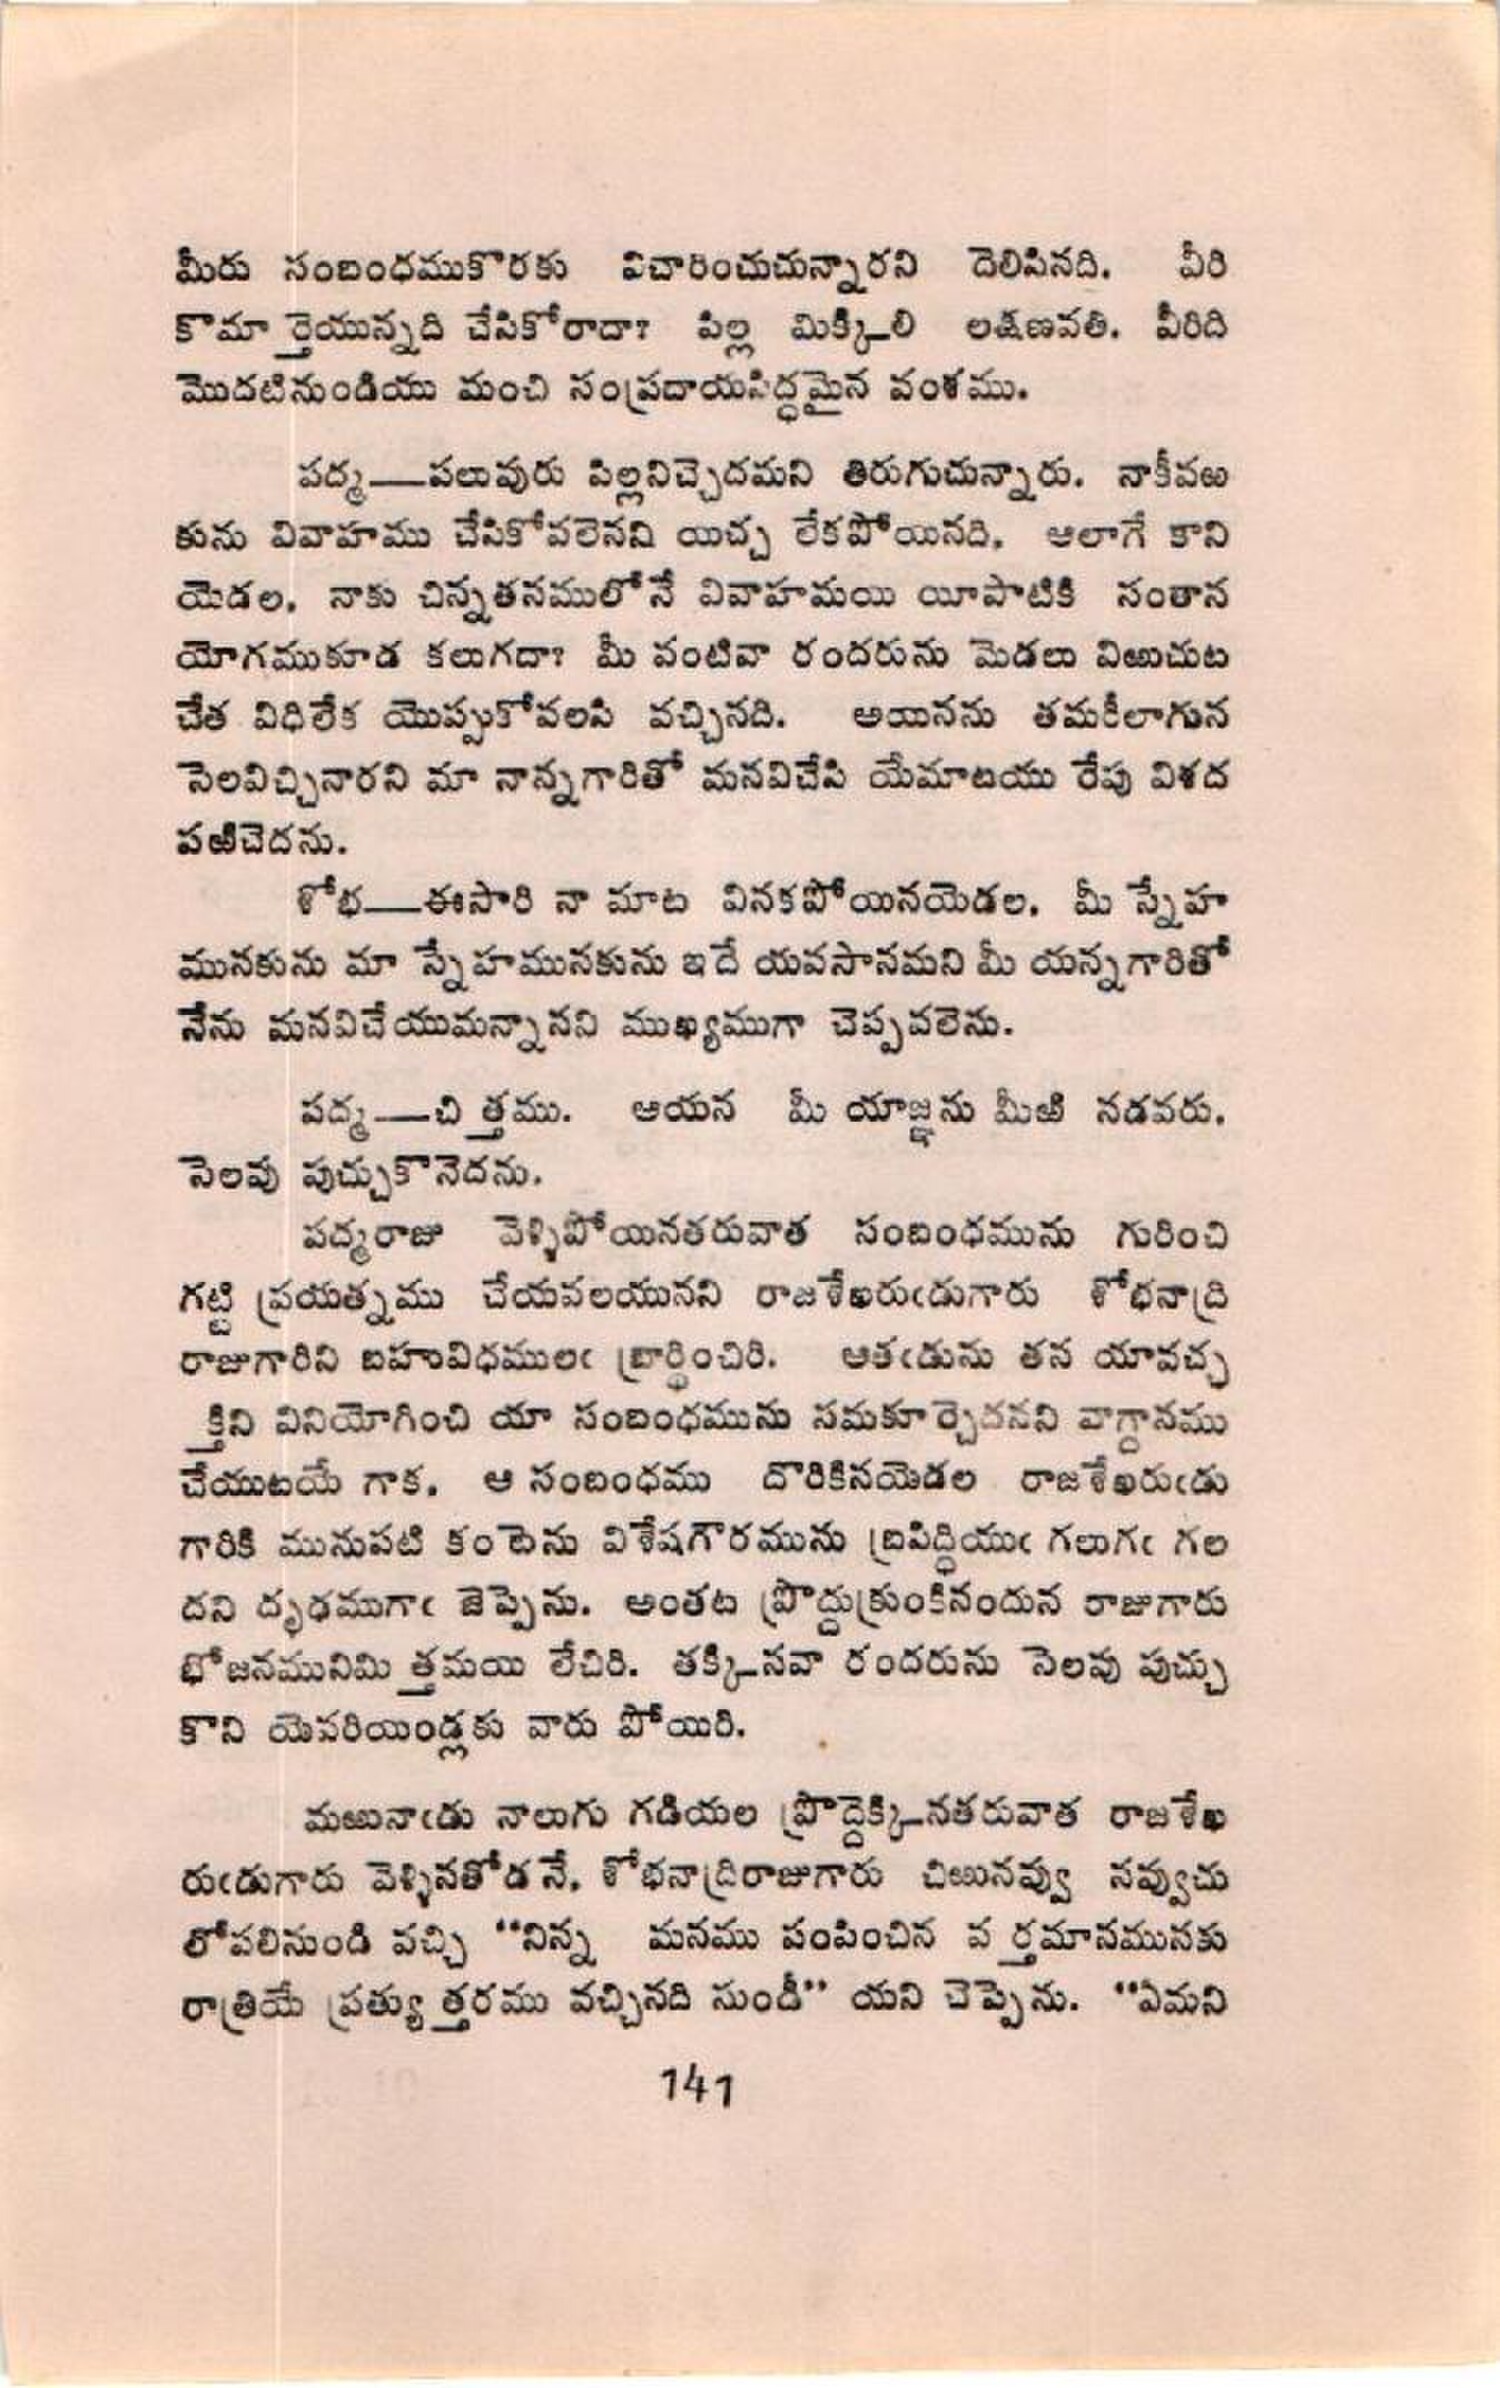మీరు సంబంధముకొరకు విచారించుచున్నారని దెలిసినది. వీరి కొమార్తెయున్నది చేసికోరాదా? పిల్ల మిక్కిలి లక్షణవతి. వీరిది మొదటినుండియు మంచి సంప్రదాయసిద్దమైన వంశము.

పద్మ__పలువురు పిల్లనిచ్చెదమని తిరుగుచున్నారు. నాకీవఱ కును వివాహము చేసికోవలెనని యిచ్చ లేకపోయినది, ఆలాగే కాని యెడల, నాకు చిన్నతనములోనే వివాహమయి యిూపాటికి సంతాన యోగము కూడా కలుగదా? మీవంటివారందరును మెడలు విరుచుట చేత విధిలేక యొప్పుకోవలసి వచ్చినది. అయినను తమరీలాగున సెలవిచ్చినారని మా నాన్నగారితో మనవిచేసి యేమాటయు రేపు విశద పఱిచెదను.

శోభ__ఈసారి నా మాట వినకపోయినయెడల, మీ స్నేహమునకును మా స్నేహమునకును ఇదే యవసానమని మీ యన్నగారితో నేను మనవిచేయుమన్నానని ముఖ్యముగా చెప్పవలెను.

పద్మ__చి త్తము. ఆయన మీ యాజ్ఞను మీఱి నడవరు. సెలవు పుచ్చుకొనెదను.

పద్మరాజు వెళ్ళిపోయినతరువాత సంబంధమును గురించి గట్టి ప్రయత్నము చేయవలయునని రాజశేఖరుఁడుగారు శోభనాద్రి రాజుగారిని బహువిధముల బ్రార్ధించిరి. అతఁడును తన యావచ్ఛక్తిని వినియోగించి యా సంబంధమును సమకూర్చెదనని వాగ్దానము చేయుటయే గాక, ఆ సంబంధము దొరికినయెడల రాజశేఖరుఁడు గారికి మునుపటి కంటెను విశేష గౌరమును బ్రసిద్దియుఁ గలుగఁ గల దని దృఢముగా జెప్పెను. అంతట ప్రొద్దుక్రుంకినందున రాజుగారు భోజనమునిమిత్తమయి లేచిరి. తక్కినవారందరును సెలవు పుచ్చు కొని యెవరియిండ్లకు వారు పోయిరి.

మఱునాఁడు నాలుగు గడియల ప్రొద్దెక్కినతరువాత రాజశేఖ రుఁడుగారు వెళ్ళినతోడనే, శోభనాద్రిరాజుగారు చిఱునవ్వు నవ్వుచు లోపలినుండి వచ్చి "నిన్న మనము పంపించిన వర్తమానమునకు రాత్రియే ప్రత్యుత్తరము వచ్చినది సుండీ" యని చెప్పెను. "ఏమని